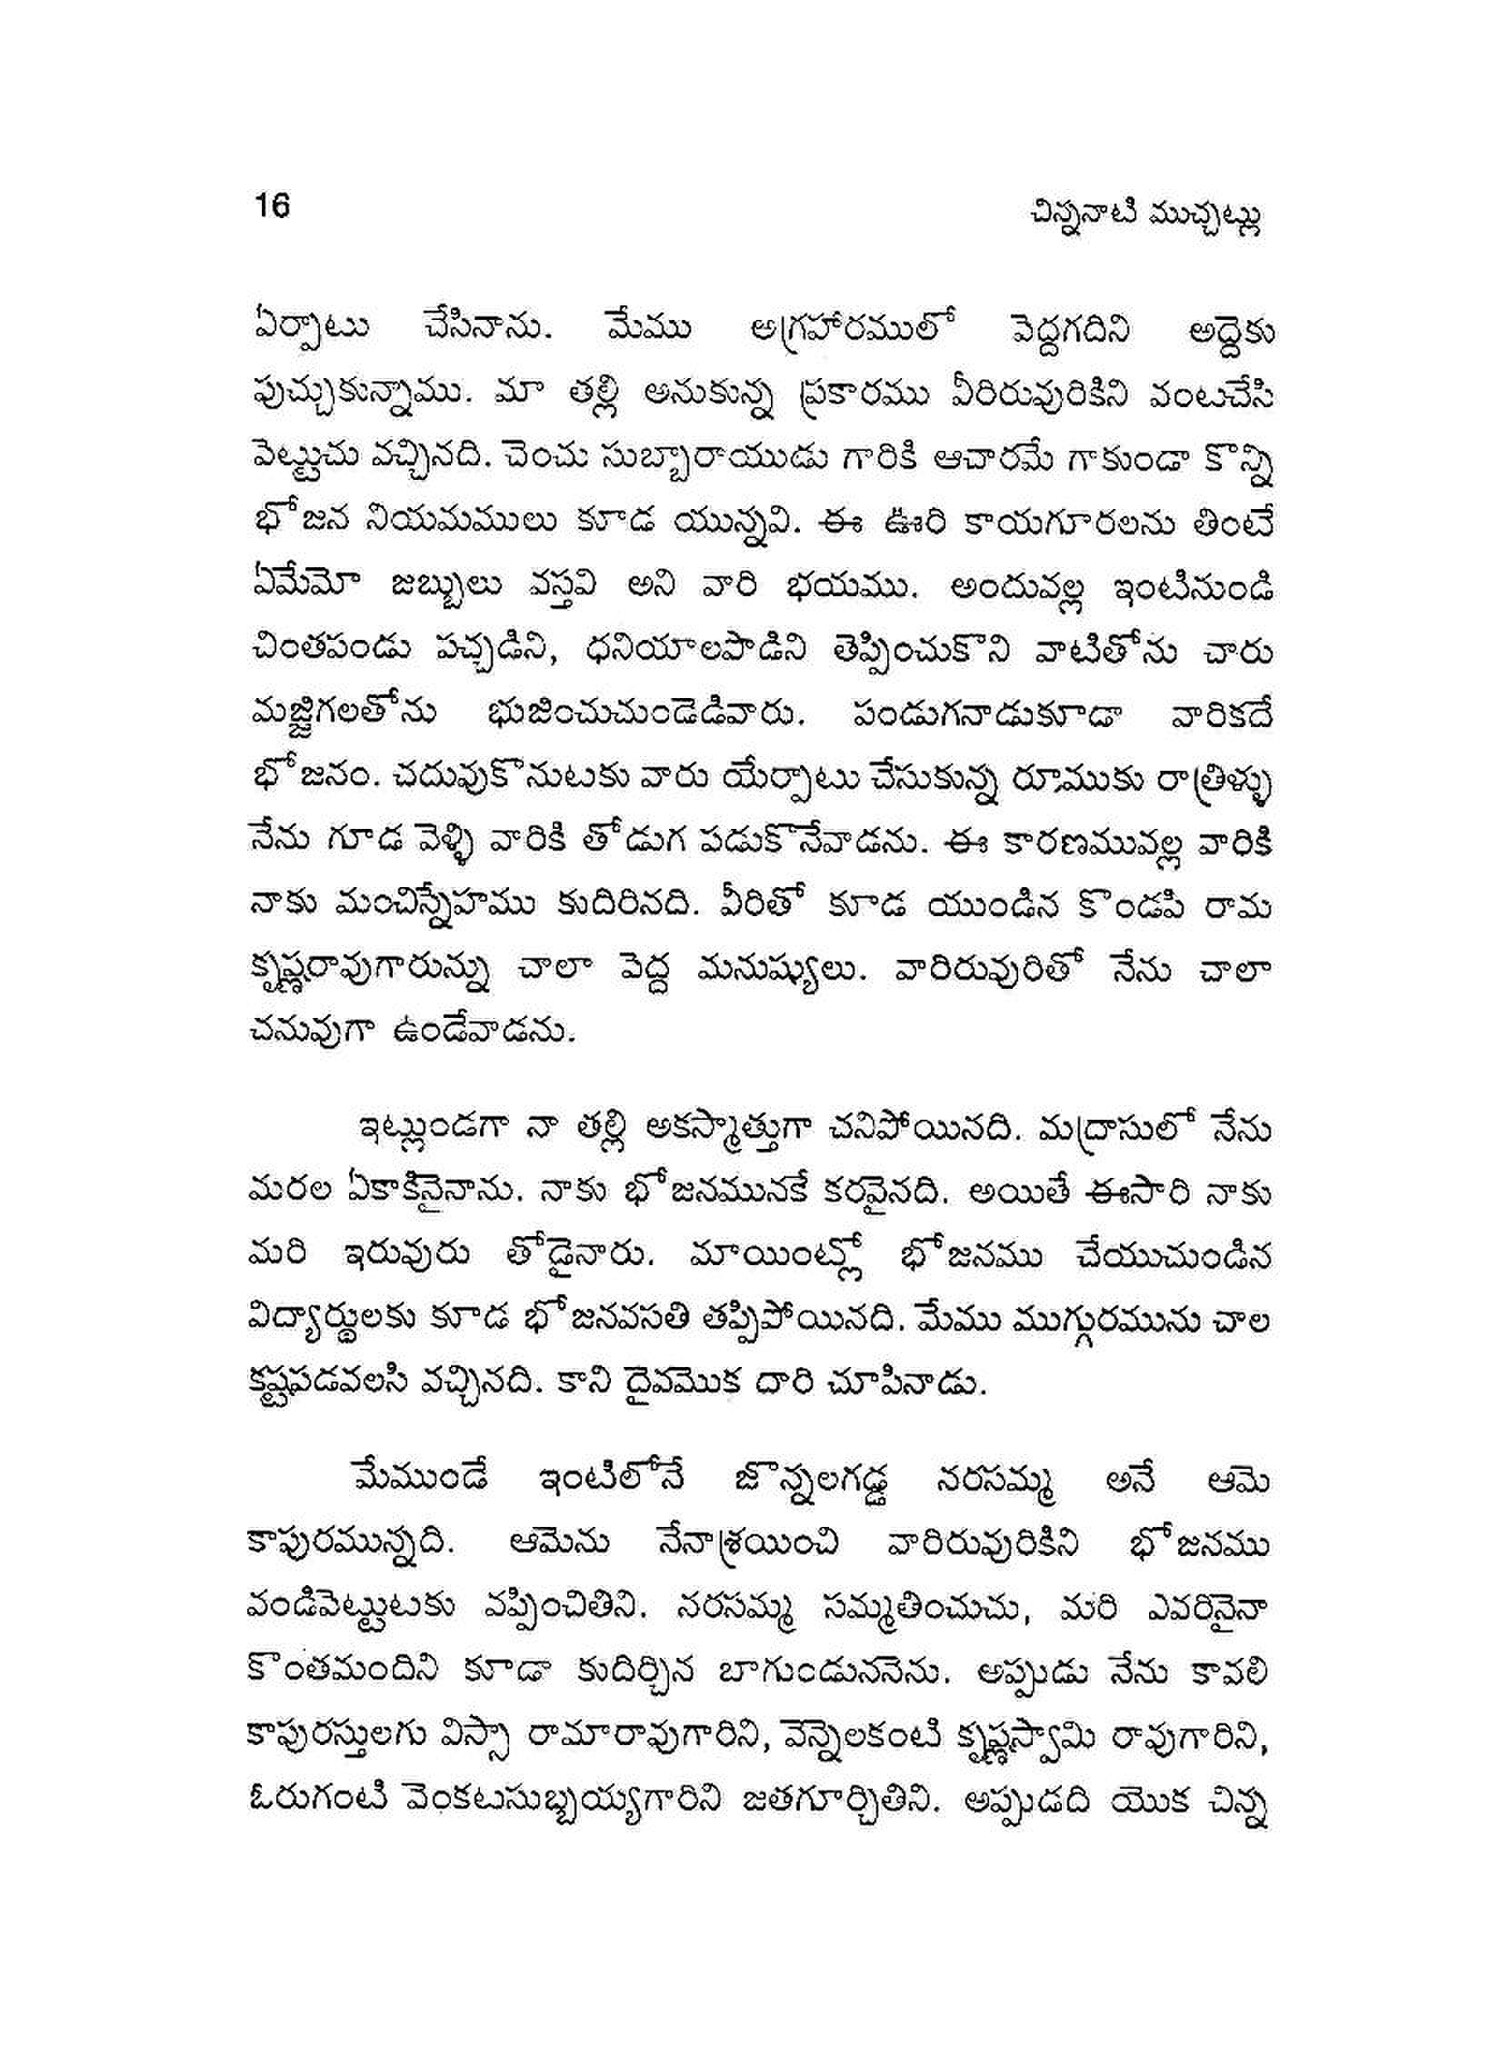ఏర్పాటు చేసినాను. మేము అగ్రహారములో పెద్దగదిని అద్దెకు పుచ్చుకున్నాము. మా తల్లి అనుకున్న ప్రకారము వీరిరువురికిని వంటచేసి పెట్టుచు వచ్చినది. చెంచు సుబ్బారాయుడు గారికి ఆచారమే గాకుండా కొన్ని భోజన నియమములు కూడ యున్నవి. ఈ ఊరి కాయగూరలను తింటే ఏమేమో జబ్బులు వస్తవి అని వారి భయము. అందువల్ల ఇంటినుండి చింతపండు పచ్చడిని, ధనియాలపొడిని తెప్పించుకొని వాటితోను చారు మజ్జిగలతోను భుజించుచుండెడివారు. పండుగనాడుకూడా వారికదే భోజనం. చదువుకొనుటకు వారు యేర్పాటు చేసుకున్న రూముకు రాత్రిళ్ళు నేను గూడ వెళ్ళి వారికి తోడుగ పడుకొనేవాడను. ఈ కారణమువల్ల వారికి నాకు మంచిస్నేహము కుదిరినది. వీరితో కూడ యుండిన కొండపి రామకృష్ణరావుగారున్ను చాలా పెద్ద మనుష్యులు. వారిరువురితో నేను చాలా చనువుగా ఉండేవాడను.

ఇట్లుండగా నా తల్లి అకస్మాత్తుగా చనిపోయినది. మద్రాసులో నేను మరల ఏకాకినైనాను. నాకు భోజనమునకే కరవైనది. అయితే ఈసారి నాకు మరి ఇరువురు తోడైనారు. మాయింట్లో భోజనము చేయుచుండిన విద్యార్థులకు కూడ భోజనవసతి తప్పిపోయినది. మేము ముగ్గురమును చాల కష్టపడవలసి వచ్చినది. కాని దైవమొక దారి చూపినాడు.

మేముండే ఇంటిలోనే జొన్నలగడ్డ నరసమ్మ అనే ఆమె కాపురమున్నది. ఆమెను నేనాశ్రయించి వారిరువురికిని భోజనము వండిపెట్టుటకు వప్పించితిని, నరసమ్మ సమ్మతించుచు, మరి ఎవరినైనా కొంతమందిని కూడా కుదిర్చిన బాగుండుననెను. అప్పడు నేను కావలి కాపురస్తులగు విస్సా రామారావుగారిని, వెన్నెలకంటి కృష్ణస్వామి రావుగారిని, ఓరుగంటి వెంకటసుబ్బయ్యగారిని జతగూర్చితిని. అప్పడది యొక చిన్న